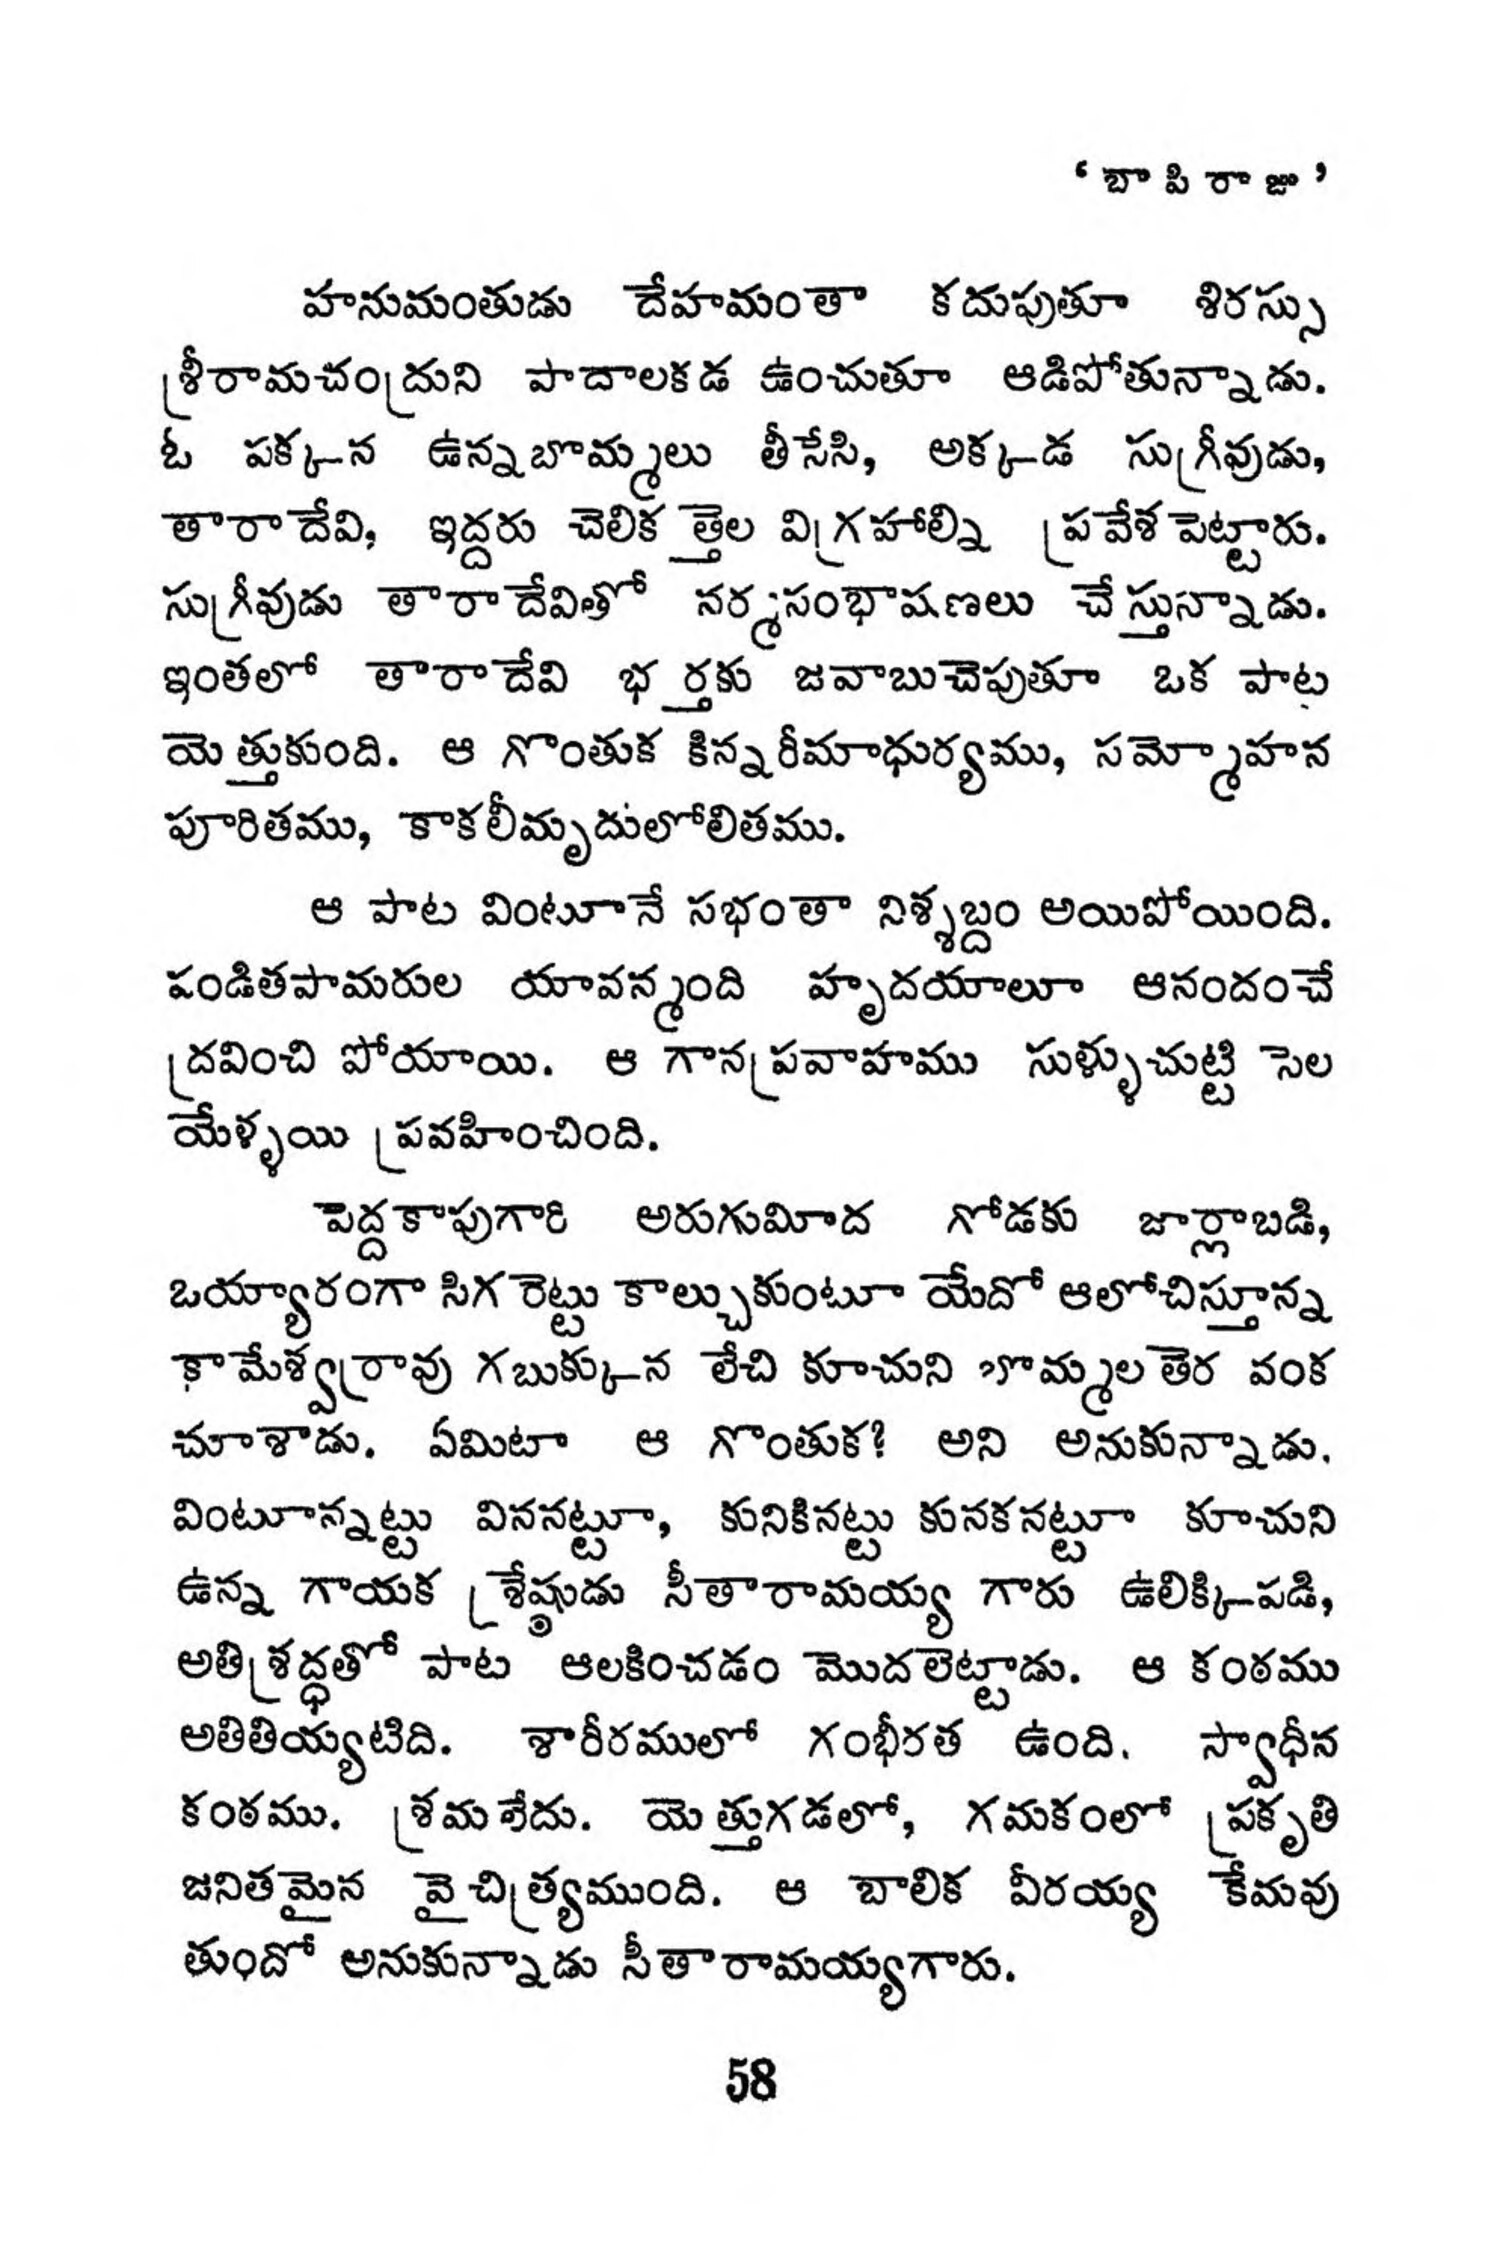హనుమంతుడు దేహమంతా కదుపుతూ శిరస్సు శ్రీరామచంద్రుని పాదాలకడ ఉంచుతూ ఆడిపోతున్నాడు. ఓ పక్కన ఉన్నబొమ్మలు తీసేసి, అక్కడ సుగ్రీవుడు, తారాదేవి, ఇద్దరు చెలికత్తెల విగ్రహాల్ని ప్రవేశపెట్టారు. సుగ్రీవుడు తారాదేవితో నర్మసంభాషణలు చేస్తున్నాడు. ఇంతలో తారాదేవి భర్తకు జవాబుచెపుతూ ఒక పాట యెత్తుకుంది. ఆ గొంతుక కిన్నరీమాధుర్యము, సమ్మోహన పూరితము, కాకలీమృదులోలితము.

ఆ పాట వింటూనే సభంతా నిశ్శబ్దం అయిపోయింది. పండితపామరుల యావన్మంది హృదయాలూ ఆనందంచే ద్రవించి పోయాయి. ఆ గానప్రవాహము సుళ్ళుచుట్టి సెలయేళ్ళయి ప్రవహించింది.

పెద్దకాపుగారి అరుగుమీద గోడకు జార్లాబడి, ఒయ్యారంగా సిగరెట్టు కాల్చుకుంటూ యేదో ఆలోచిస్తూన్న కామేశ్వర్రావు గబుక్కున లేచి కూచుని బొమ్మలతెర వంక చూశాడు. ఏమిటా ఆ గొంతుక? అని అనుకున్నాడు. వింటూన్నట్టు విననట్టూ, కునికినట్టు కునకనట్టూ కూచుని ఉన్న గాయక శ్రేష్ఠుడు సీతారామయ్య గారు ఉలిక్కిపడి, అతిశ్రద్ధతో పాట ఆలకించడం మొదలెట్టాడు. ఆ కంఠము అతితియ్యటిది. శారీరములో గంభీరత ఉంది. స్వాధీన కంఠము. శ్రమలేదు. యెత్తుగడలో, గమకంలో ప్రకృతి జనితమైన వైచిత్య్రముంది. ఆ బాలిక వీరయ్య కేమవుతుందో అనుకున్నాడు సీతారామయ్యగారు.